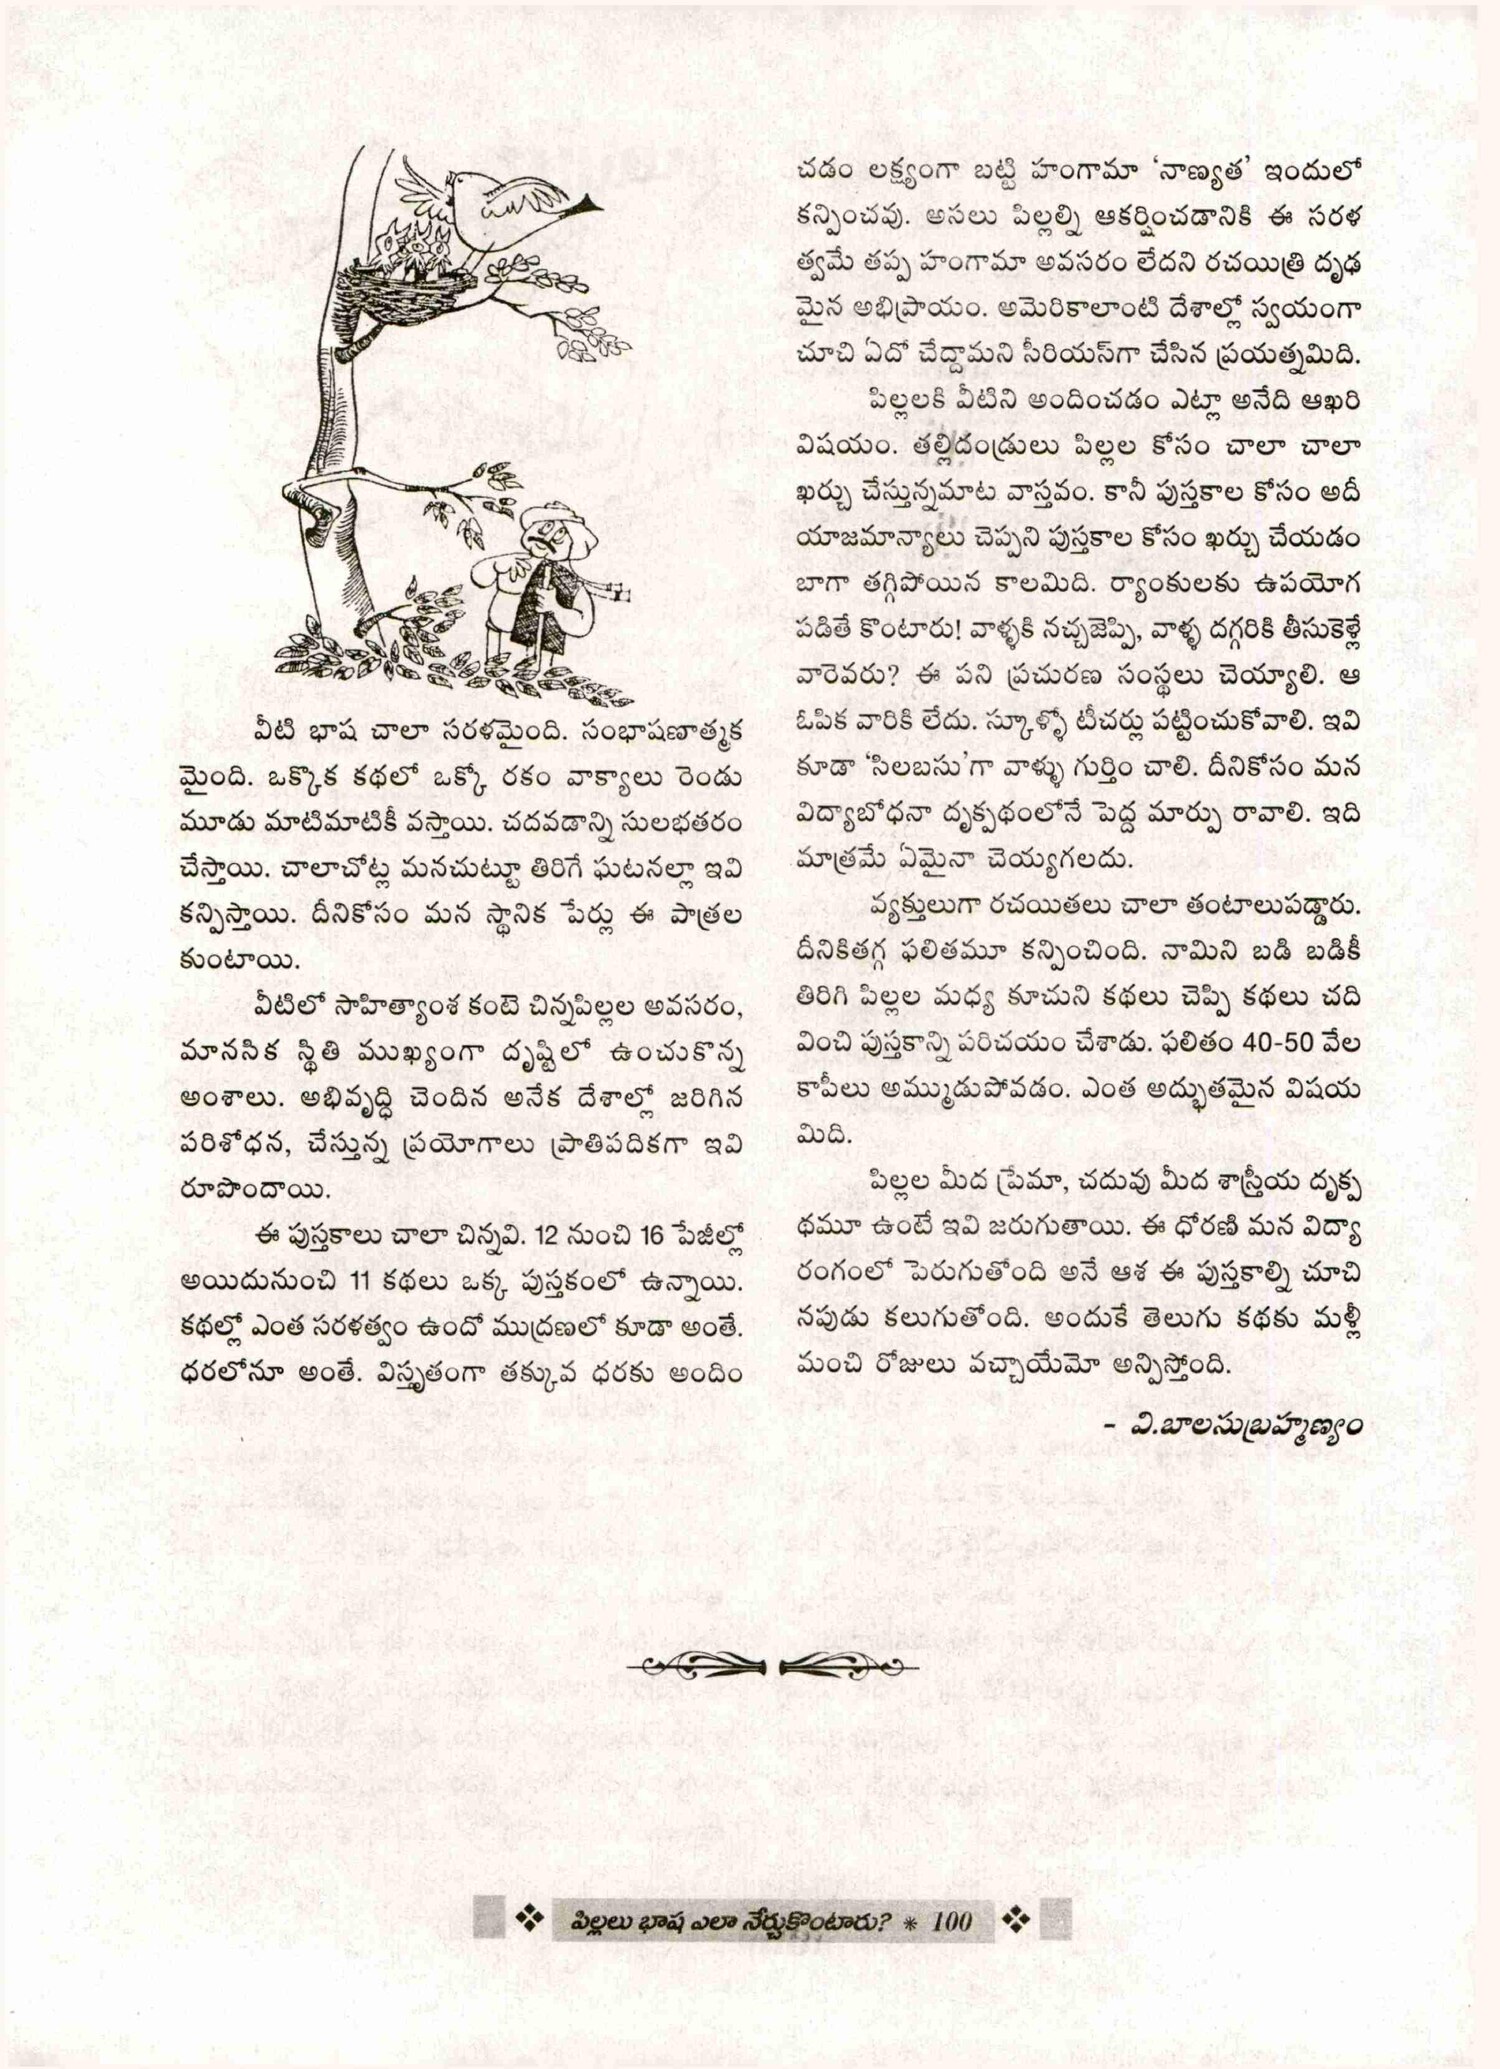వీటి భాష చాలా సరళమైంది. సంభాషణాత్మకమైంది. ఒక్కొక కథలో ఒక్కో రకం వాక్యాలు రెండు మూడు మాటిమాటికీ వస్తాయి. చదవడాన్ని సులభతరం చేస్తాయి. చాలాచోట్ల మనచుట్టూ తిరిగే ఘటనల్లా ఇవి కన్పిస్తాయి. దీనికోసం మన స్థానిక పేర్లు ఈ పాత్రల కుంటాయి.

వీటిలో సాహిత్యాంశ కంటె చిన్నపిల్లల అవసరం, మానసిక స్థితి ముఖ్యంగా దృష్టిలో ఉంచుకొన్న అంశాలు. అభివృద్ధి చెందిన అనేక దేశాల్లో జరిగిన పరిశోధన, చేస్తున్న ప్రయోగాలు ప్రాతిపదికగా ఇవి రూపొందాయి.

ఈ పుస్తకాలు చాలా చిన్నవి. 12 నుంచి 16 పేజీల్లో అయిదునుంచి 11 కథలు ఒక్క పుస్తకంలో ఉన్నాయి. కథల్లో ఎంత సరళత్వం ఉందో ముద్రణలో కూడా అంతే. ధరలోనూ అంతే. విస్తృతంగా తక్కువ ధరకు అందించడం లక్ష్యంగా బట్టి హంగామా 'నాణ్యత' ఇందులో కన్పించవు. అసలు పిల్లల్ని ఆకర్షించడానికి ఈ సరళత్వమే తప్ప హంగామా అవసరం లేదని రచయిత్రి దృఢమైన అభిప్రాయం. అమెరికాలాంటి దేశాల్లో స్వయంగా చూచి ఏదో చేద్దామని సీరియస్‌గా చేసిన ప్రయత్నమిది.

పిల్లలకి వీటిని అందించడం ఎట్లా అనేది ఆఖరి విషయం. తల్లిదండ్రులు పిల్లల కోసం చాలా చాలా ఖర్చు చేస్తున్నమాట వాస్తవం. కానీ పుస్తకాల కోసం అదీ యాజమాన్యాలు చెప్పని పుస్తకాల కోసం ఖర్చు చేయడం బాగా తగ్గిపోయిన కాలమిది. ర్యాంకులకు ఉపయోగపడితే కొంటారు! వాళ్ళకి నచ్చజెప్పి, వాళ్ళ దగ్గరికి తీసుకెళ్లే వారెవరు? ఈ పని ప్రచురణ సంస్థలు చెయ్యాలి. ఆ ఓపిక వారికి లేదు. స్కూళ్ళో టీచర్లు పట్టించుకోవాలి. ఇవి కూడా 'సిలబసు’గా వాళ్ళు గుర్తిం చాలి. దీనికోసం మన విద్యాబోధనా దృక్పథంలోనే పెద్ద మార్పు రావాలి. ఇది మాత్రమే ఏమైనా చెయ్యగలదు.

వ్యక్తులుగా రచయితలు చాలా తంటాలుపడ్డారు. దీనికితగ్గ ఫలితమూ కన్పించింది. నామిని బడి బడికీ తిరిగి పిల్లల మధ్య కూచుని కథలు చెప్పి కథలు చదివించి పుస్తకాన్ని పరిచయం చేశాడు. ఫలితం 40-50 వేల కాపీలు అమ్ముడుపోవడం. ఎంత అద్భుతమైన విషయ మిది.

పిల్లల మీద ప్రేమా, చదువు మీద శాస్త్రీయ దృక్పథమూ ఉంటే ఇవి జరుగుతాయి. ఈ ధోరణి మన విద్యారంగంలో పెరుగుతోంది అనే ఆశ ఈ పుస్తకాల్ని చూచినపుడు కలుగుతోంది. అందుకే తెలుగు కథకు మళ్లీ మంచి రోజులు వచ్చాయేమో అన్పిస్తోంది.